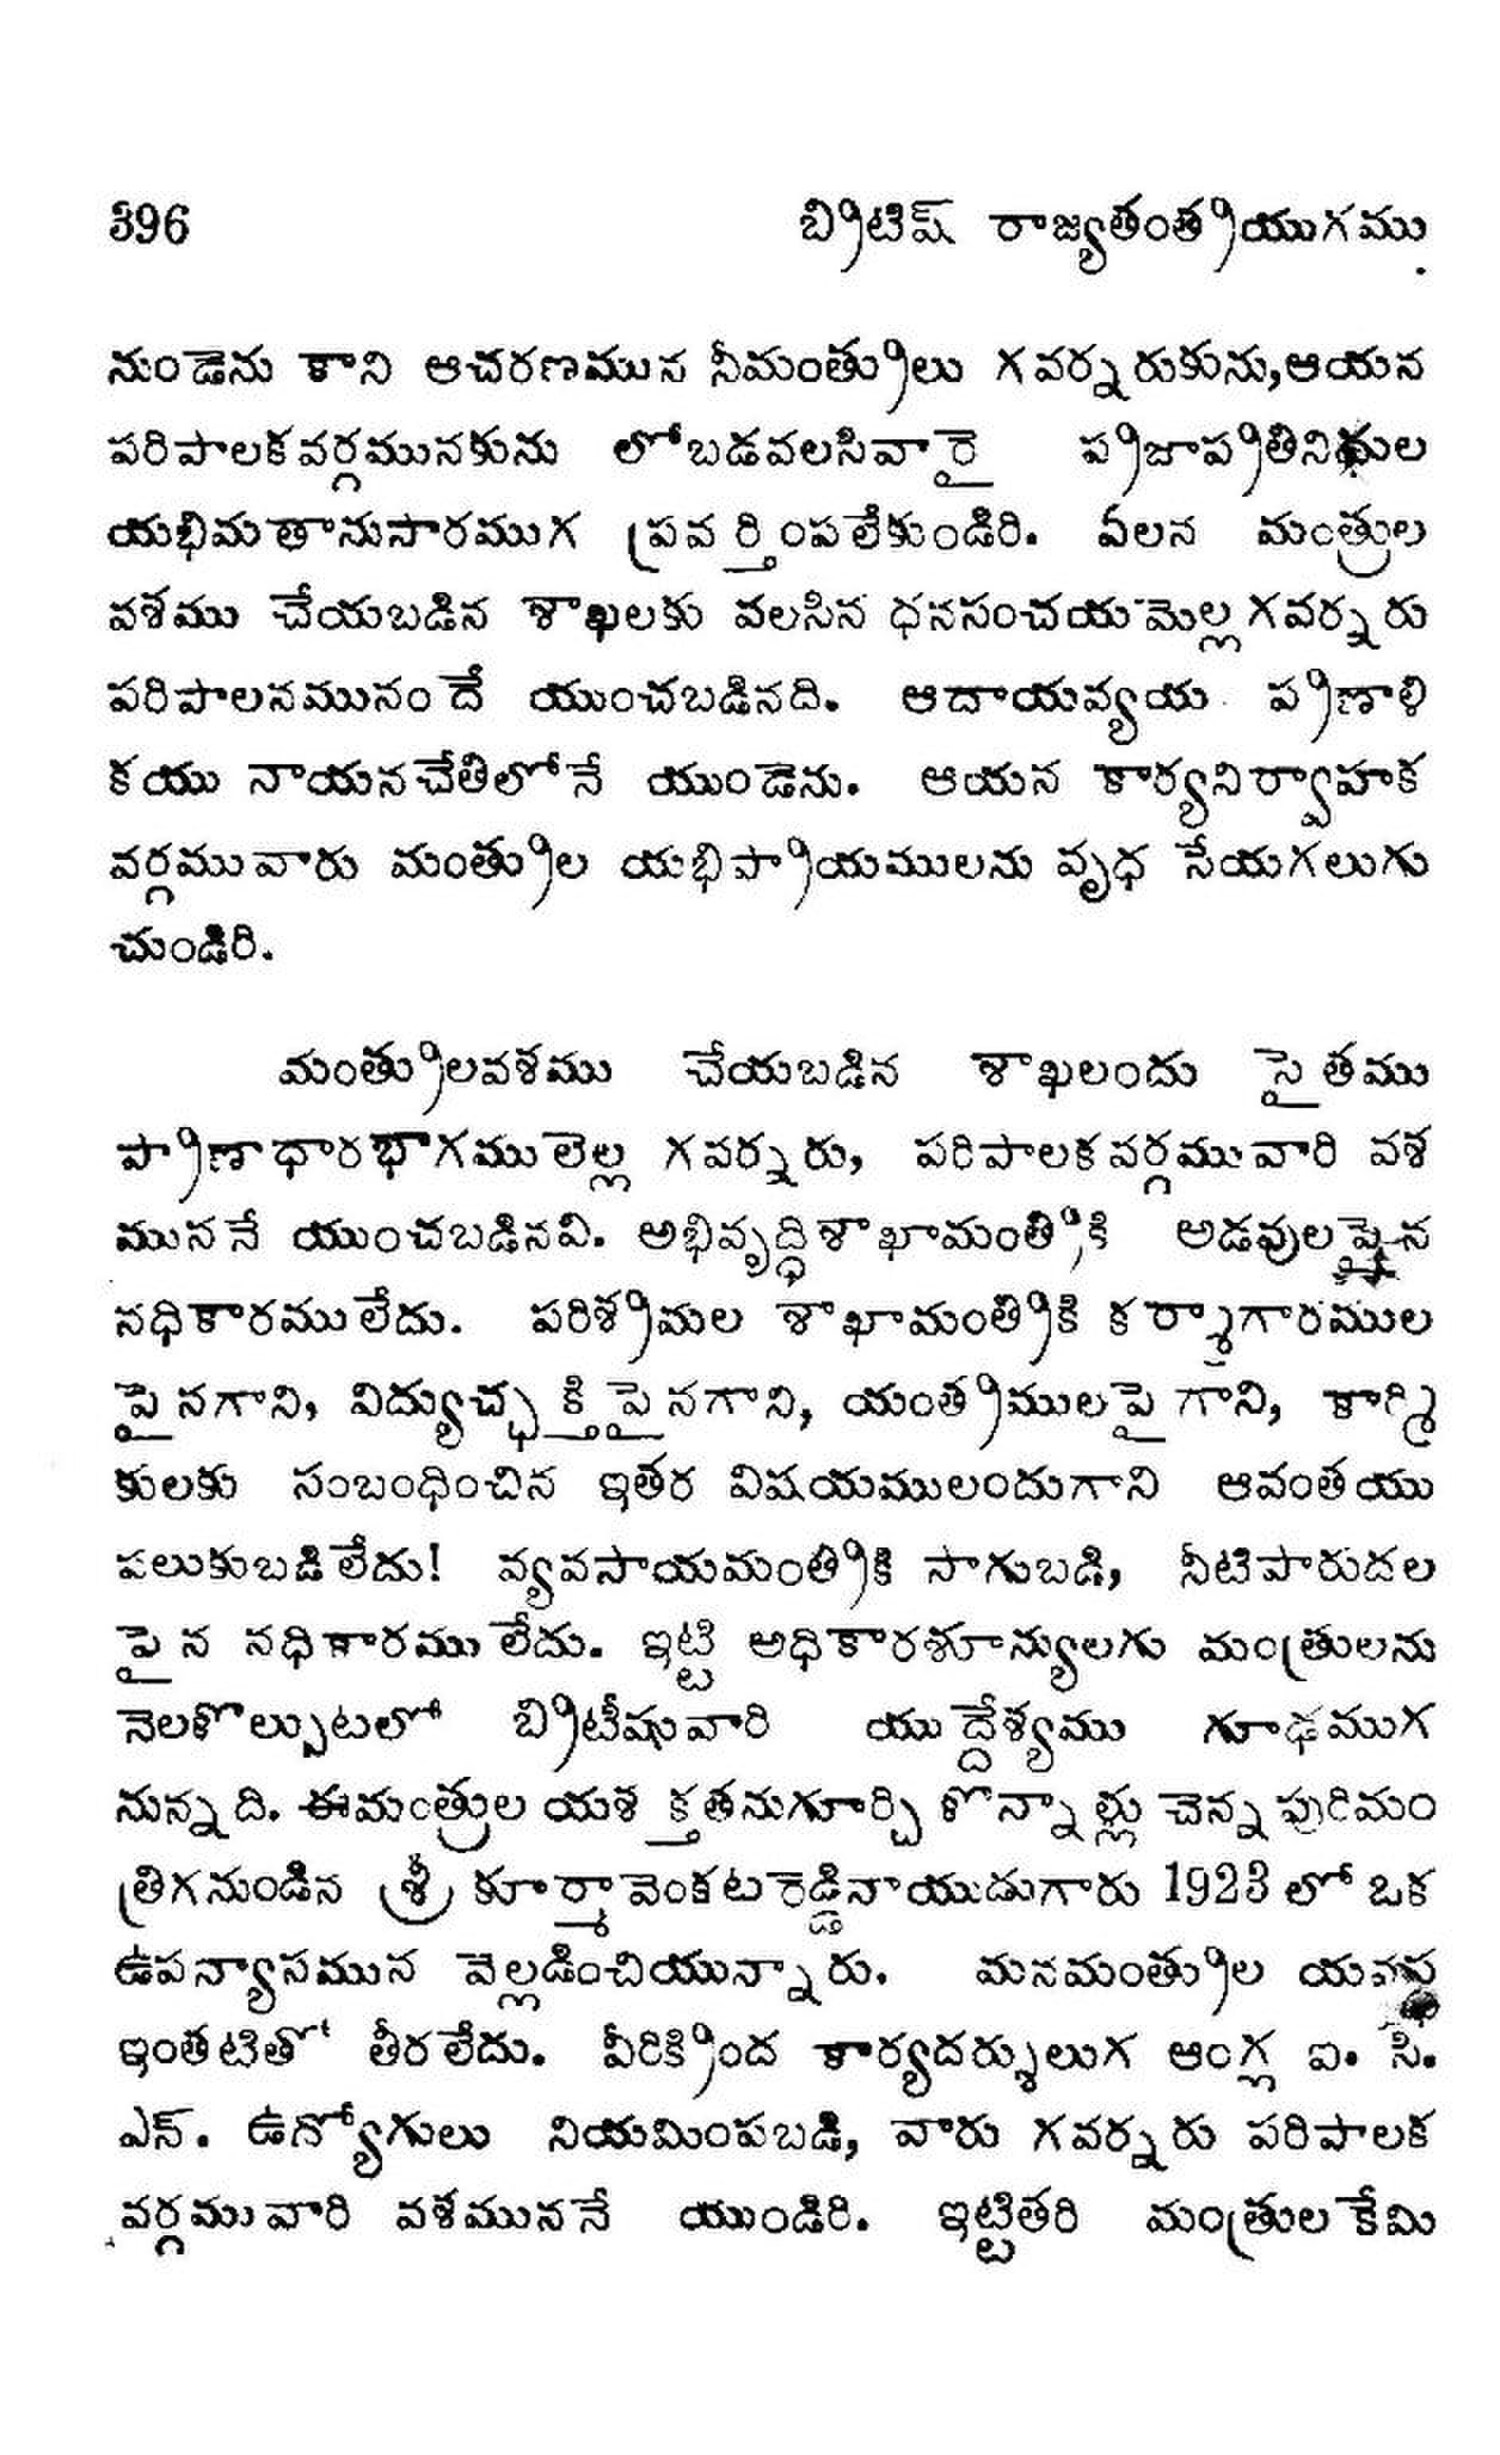నుండెను కాని ఆచరణమున నీమంత్రులు గవర్నరుకును, ఆయన పరిపాలకవర్గమునకును లోబడవలసినవారై ప్రజాప్రతినిధుల యభిమతానుసారముగ ప్రవర్తింపలేకుండిరి. ఏలన మంత్రుల వశము చేయబడిన శాఖలకు వలసిన ధనసంచయమెల్ల గవర్నరు పరిపాలనమునందే యుంచబడినది. ఆదాయవ్యయ ప్రణాళికయు నాయనచేతిలోనే యుండెను. ఆయన కార్యనిర్వాహక వర్గమువారు మంత్రుల యభిప్రాయములను వృధ సేయగలుగుచుండిరి.

మంత్రులవశము చేయబడిన శాఖలందు సైతము ప్రాణాధారభాగములెల్ల గవర్నరు, పరిపాలకవర్గమువారి వశముననే యుంచబడినవి. అభివృద్ధిశాఖామంత్రికి అడవులపైన నధికారములేదు. పరిశ్రమల శాఖామంత్రికి కర్మాగారములపైనగాని, విద్యుచ్ఛక్తిపైనగాని, యంత్రములపై గాని, కార్మికులకు సంబంధించిన ఇతర విషయములందుగాని ఆవంతయు పలుకుబడిలేదు! వ్యవసాయమంత్రికి సాగుబడి, నీటిపారుదలపైన నధికారములేదు. ఇట్టి అధికారశూన్యులగు మంత్రులను నెలకొల్పుటలో బ్రిటీషువారి యుద్దేశ్యము గూఢముగ నున్నది. ఈ మంత్రుల యశక్తతనుగూర్చి కొన్నాళ్లు చెన్నపురిమంత్రిగనుండిన శ్రీ కూర్మావెంకటరెడ్డినాయుడుగారు 1923 లో ఒక ఉపన్యాసమున వెల్లడించియున్నారు. మనమంత్రుల యవస్థ ఇంతటితో తీరలేదు. వీరిక్రింద కార్యదర్శులుగ ఆంగ్ల ఐ. సి. ఎన్. ఉద్యోగులు నియమింపబడి, వారు గవర్నరు పరిపాలకవర్గమువారి వశముననే యుండిరి. ఇట్టితరి మంత్రులకేమి